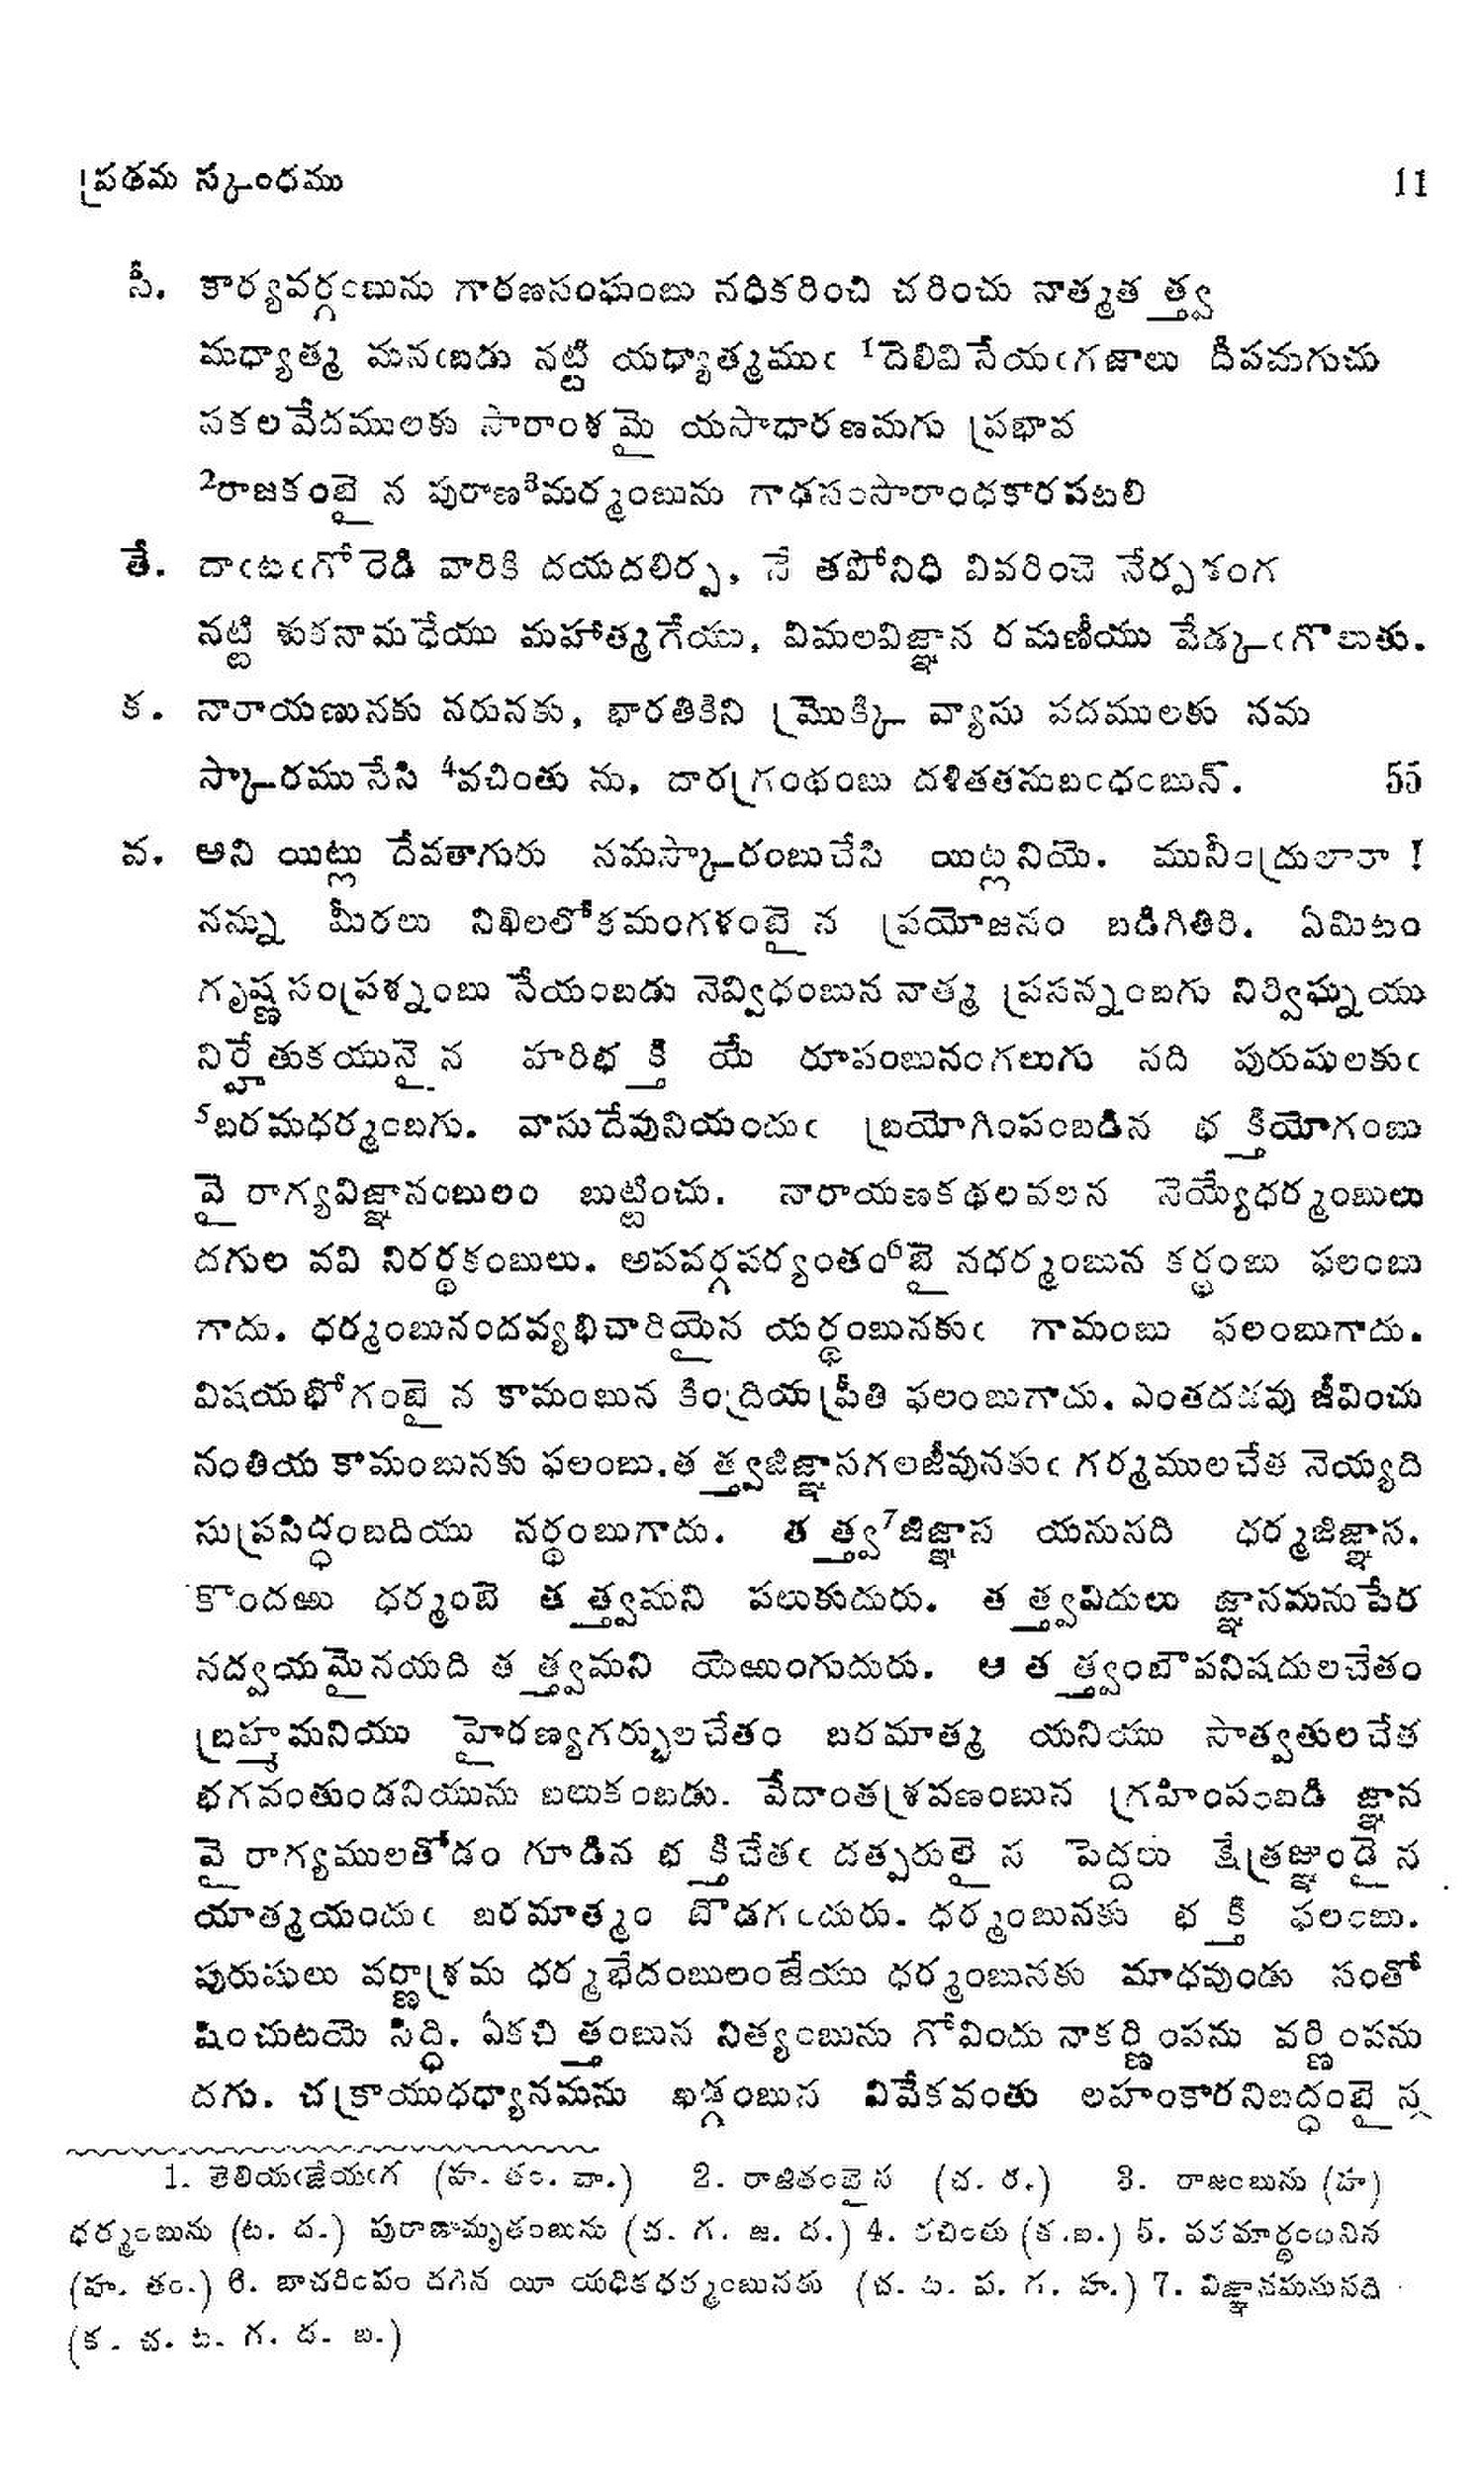11

సీ. కార్యవర్గంబును గారణ సంఘంబు, నధికరించి చరించు నాత్మతత్త్వ

మధ్యాత్మ మనఁబడు నట్టి యధ్యాత్మముఁ , దెలివి సేయఁగఁజాలు దీపమగుచు

సకల వేదములకు సారాంశమై యసా,ధారణమగు_ _ _ప్రభావ

రాజకంబైన పురాణ మర్మంబును, గాఢ సంసారాంధకార పటలి

తే.గీ. దాటఁగోరెడి వారికి దయ దలిర్ప, నే తపోనిధి వివరించె నేర్పడంగ

నట్టి శుక నామధేయు మహాత్మగేయు, విమల విజ్ఞాన రమణీయు వేడ్కఁ గొలుతు. (1-54)

కం. నారాయణునకు నరునకు, భారతికిని మ్రొక్కి వ్యాసు పదములకు నమ

స్కారము సేసి వచింతు ను,దార గ్రంథంబు దళిత తను బంధంబున్. (1-55)

వ. అని యిట్లు దేవతా గురు నమస్కారంబు సేసి యిట్లనియె. మునీంద్రులారా ! నన్ను మీరు నిఖిల లోక మంగళంబైన ప్రయోజనంబడిగితిరి. ఏమిటం గృష్ణసంప్రశ్నంబు సేయంబడు నెవ్వింధంబున నాత్మ ప్రసన్నంబగు నిర్విఘ్నయు నిర్హేతుకయు నైన హరిభక్తి యే రూపంబునం గలుగు నది పురుషులకుఁ బరమ ధర్మంబగు. వాసుదేవునియందుఁ బ్రయోగింపఁబడిన భక్తియోగంబు వైరాగ్య విజ్ఞానంబులం బుట్టించు. నారాయణ కథల వలన నెయ్యే ధర్మంబులు దగులవవి నిరర్థంబులు. అపవర్గ పర్యంతంబైన ధర్మంబున కర్థంబు ఫలంబు గాదు. ధర్మంబునం దవ్యభిచారి యయిన యర్థంబునకుఁ గామంబు ఫలంబు గాదు. విషయ భోగంబైన కామంబున కింద్రియ ప్రీతి ఫలంబు గాదు. ఎంత తడవు జీవించు నంతియ కామంబునకు ఫలంబు. తత్త్వజిజ్ఞాస గల జీవునకుఁ గర్మముల చేత నెయ్యది సుప్రసిద్ధం బదియు నర్థంబు గాదు. తత్త్వజిజ్ఞాస యనునది ధర్మజిజ్ఞాస. కొందఱు ధర్మంబె తత్త్వంబని పలుకుదురు. తత్త్వవిదులు జ్ఞానమను పేర నద్వయమైన యది తత్త్వమని యెఱుంగుదురు. ఆ తత్త్వం బౌషనిదుల చేత బ్రహ్మమనియు హైరణ్యగర్భుల చేతం బరమాత్మ యనియు సాత్వతుల చేత భగవంతుఁ డనియును బలుకంబడు. వేదాంత శ్రవణంబున గ్రహింపంబడి జ్ఞాన వైరాగ్యముల తోడం గూడిన భక్తి చేతఁ దత్పరులైన పెద్దలు క్షేత్రజ్ఞుండైన యాత్మ యందుఁ బరమాత్మం బొడఁగందురు. ధర్మంబునకు భక్తి ఫలంబు. పురుషులు వర్ణాశ్రమ ధర్మ భేదంబులం జేయు ధర్మంబునకు మాధవుండు సంతోషించుటయె సిద్ధి. ఏకచిత్తంబున నిత్యంబును గోవిందు నాకర్ణింపను వర్ణింపను దగు. చక్రయుధ ధ్యానంబను ఖడ్గంబున వివేకవంతు లహంకార నిబద్ధంబైన